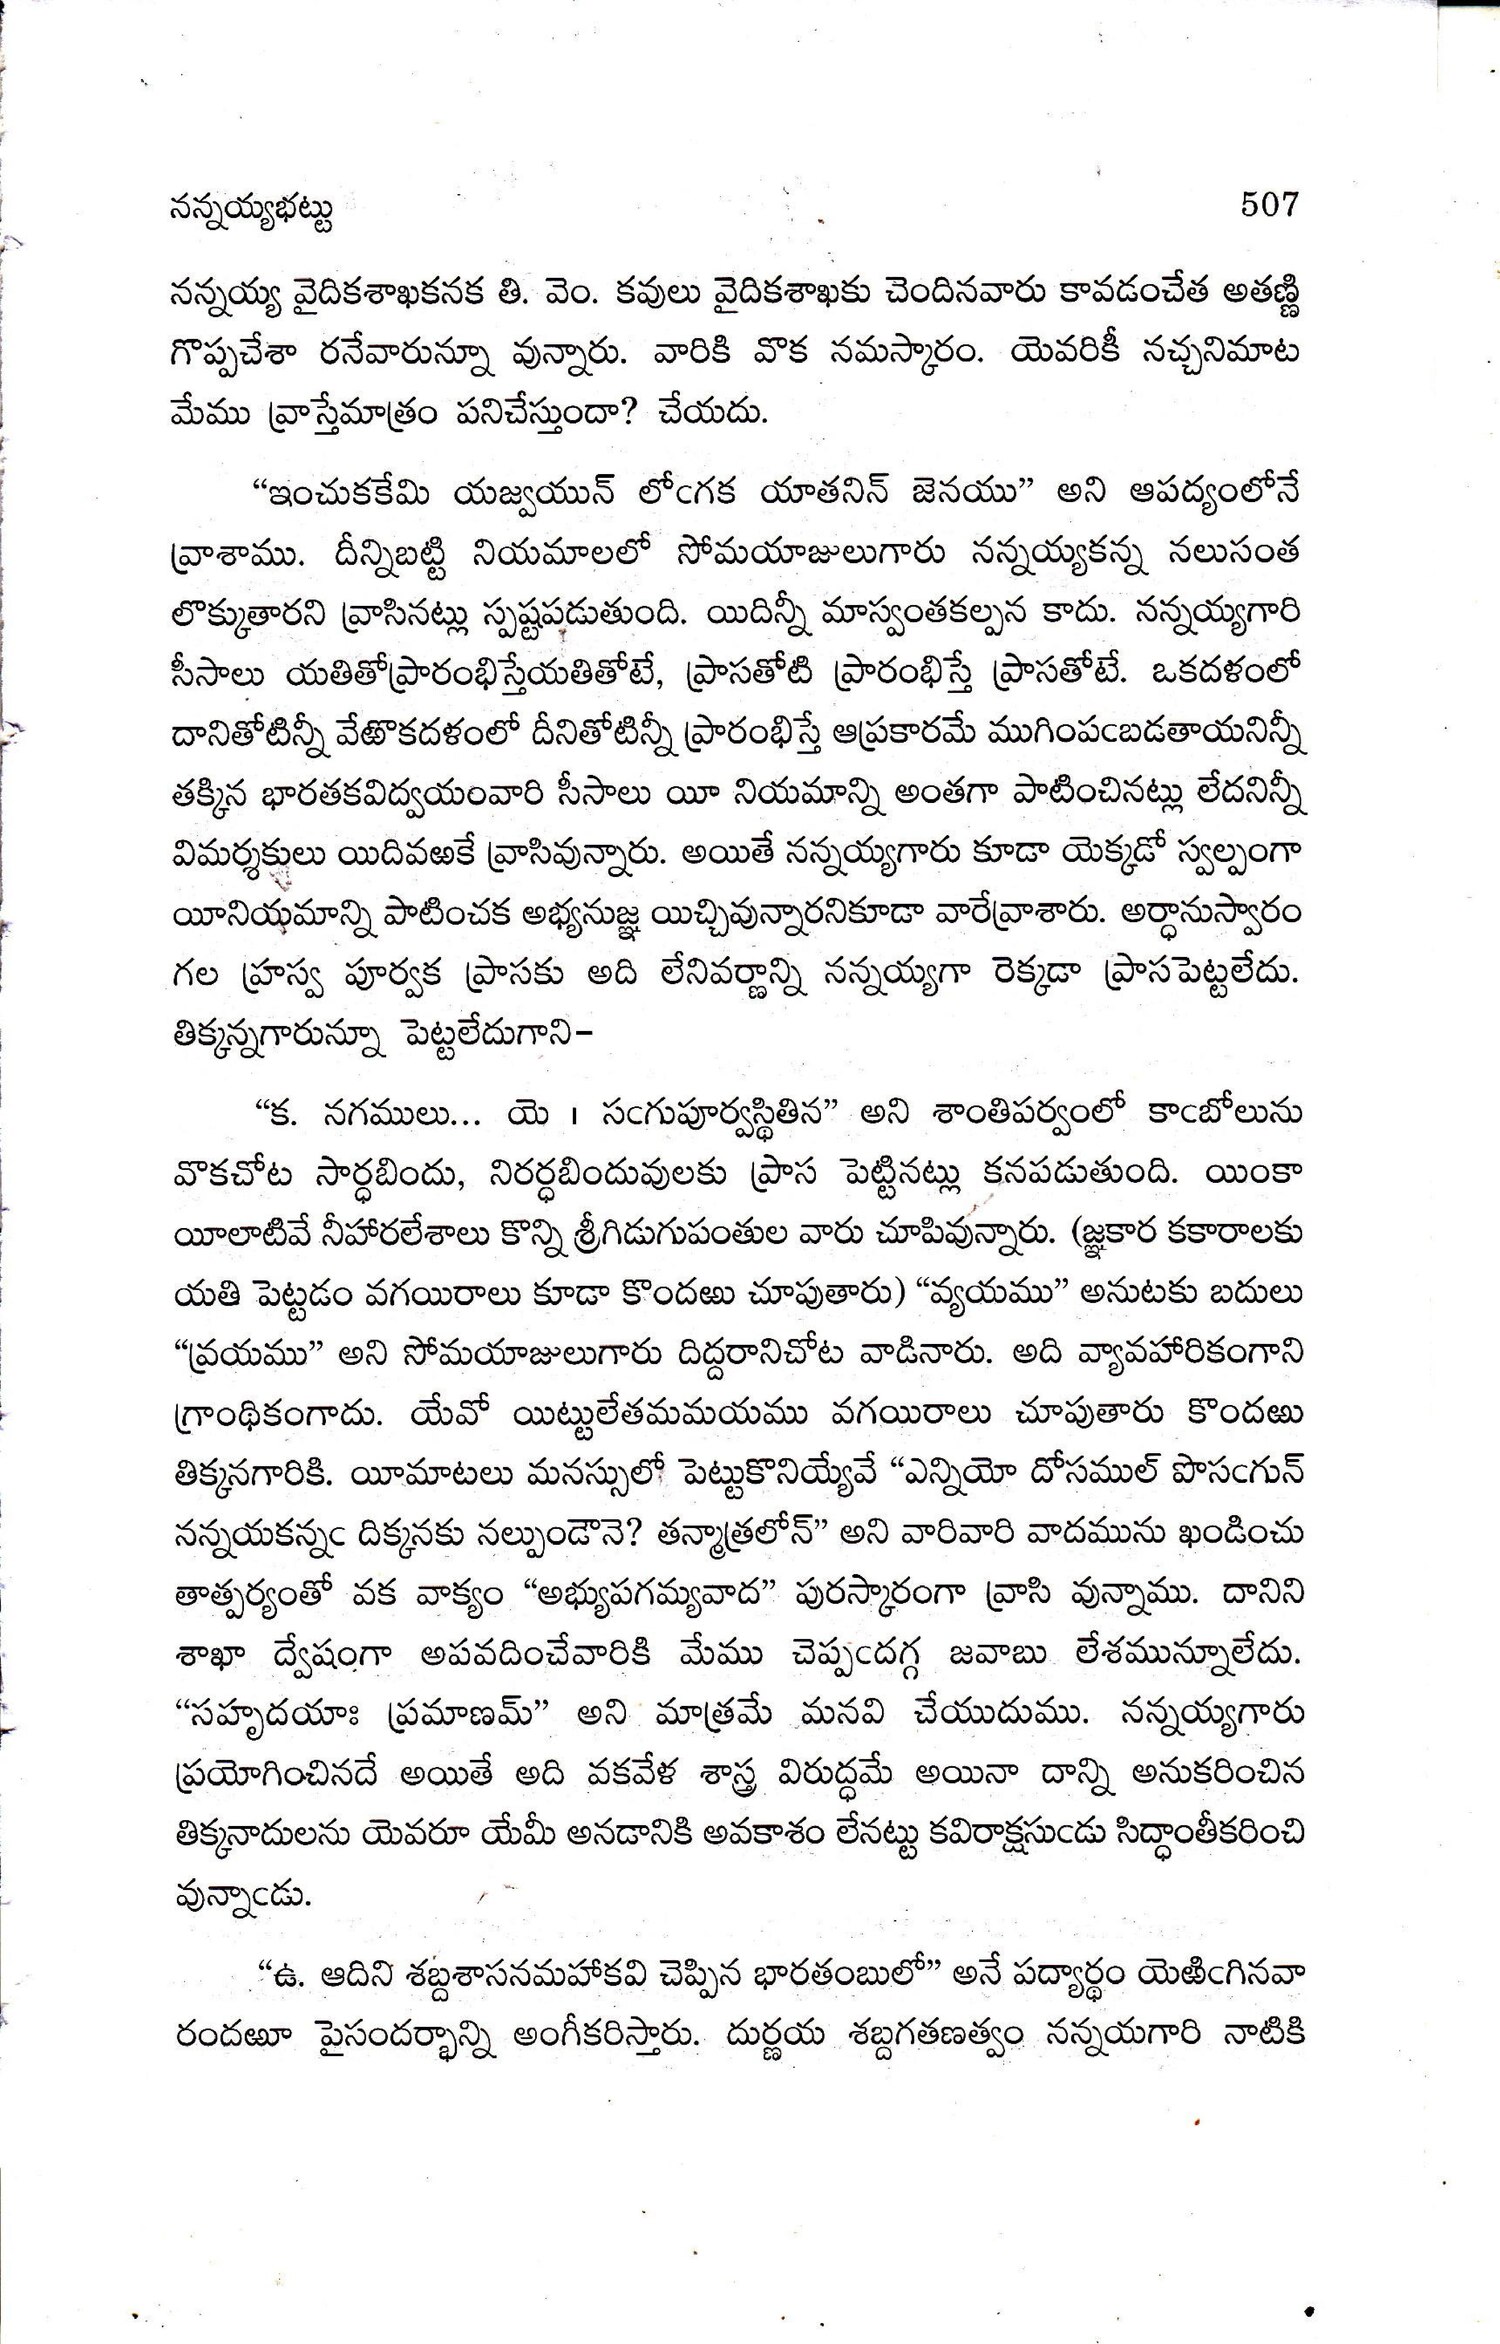నన్నయ్య వైదికశాఖకనక తి. వెం. కవులు వైదికశాఖకు చెందినవారు కావడంచేత అతణ్ణి గొప్పచేశా రనేవారున్నూ వున్నారు. వారికి వొక నమస్కారం. యెవరికీ నచ్చనిమాట మేము వ్రాస్తేమాత్రం పనిచేస్తుందా? చేయదు.

“ఇంచుకకేమి యజ్వయున్ లోఁగక యాతనిన్ జెనయు” అని ఆపద్యంలోనే వ్రాశాము. దీన్నిబట్టి నియమాలలో సోమయాజులుగారు నన్నయ్యకన్న నలుసంత లొక్కుతారని వ్రాసినట్లు స్పష్టపడుతుంది. యిదిన్నీ మాస్వంతకల్పన కాదు. నన్నయ్యగారి సీసాలు యతితోప్రారంభిస్తేయతితోటే, ప్రాసతోటి ప్రారంభిస్తే ప్రాసతోటే, ఒకదళంలో దానితోటిన్నీ వేఱొకదళంలో దీనితోటిన్నీ ప్రారంభిస్తే ఆప్రకారమే ముగింపఁబడతాయనిన్నీ తక్కిన భారతకవిద్వయంవారి సీసాలు యీ నియమాన్ని అంతగా పాటించినట్లు లేదనిన్నీ విమర్శకులు యిదివఱకే వ్రాసివున్నారు. అయితే నన్నయ్యగారు కూడా యెక్కడో స్వల్పంగా యీనియమాన్నిపాటించక అభ్యనుజ్ఞ యిచ్చివున్నారనికూడా వారేవ్రాశారు. అర్థానుస్వారం గల హ్రస్వ పూర్వక ప్రాసకు అది లేనివర్ణాన్ని నన్నయ్యగా రెక్కడా ప్రాసపెట్టలేదు. తిక్కన్నగారున్నూ పెట్టలేదుగాని- 

“క. నగములు. యె! సఁగుపూర్వస్థితిన" అని శాంతిపర్వంలో కాcబోలును వొకచోట సార్థబిందు, నిరర్థబిందువులకు ప్రాస పెట్టినట్లు కనపడుతుంది. యింకా యీలాటివే నీహారలేశాలు కొన్ని శ్రీగిడుగుపంతుల వారు చూపివున్నారు. (జ్ఞకార కకారాలకు యతి పెట్టడం వగయిరాలు కూడా కొందఱు చూపుతారు) “వ్యయము" అనుటకు బదులు "వ్రయము" అని సోమయాజులుగారు దిద్దరానిచోట వాడినారు. అది వ్యావహారికంగాని గ్రాంథికంగాదు. యేవో యిట్టులేతమమయము వగయిరాలు చూపుతారు కొందఱు తిక్కనగారికి. యీమాటలు మనస్సులో పెట్టుకొనియ్యేవే “ఎన్నియో దోసముల్ పొసఁగున్ నన్నయకన్నఁ దిక్కనకు నల్పుండౌనె? తన్మాత్రలోన్" అని వారివారి వాదమును ఖండించు తాత్పర్యంతో వక వాక్యం “అభ్యుపగమ్యవాద" పురస్కారంగా వ్రాసి వున్నాము. దానిని శాఖా ద్వేషంగా అపవదించేవారికి మేము చెప్పఁదగ్గ జవాబు లేశమున్నూలేదు. “సహృదయాః ప్రమాణమ్” అని మాత్రమే మనవి చేయుదుము. నన్నయ్యగారు ప్రయోగించినదే అయితే అది వకవేళ శాస్త్ర విరుద్ధమే అయినా దాన్ని అనుకరించిన తిక్కనాదులను యెవరూ యేమీ అనడానికి అవకాశం లేనట్టు కవిరాక్షసుఁడు సిద్ధాంతీకరించి వున్నాఁడు.

"ఉ. ఆదిని శబ్దశాసనమహాకవి చెప్పిన భారతంబులో" అనే పద్యార్థం యెఱిఁగినవా రందఱూ పైసందర్భాన్ని అంగీకరిస్తారు. దుర్ణయ శబ్దగతణత్వం నన్నయగారి నాటికి